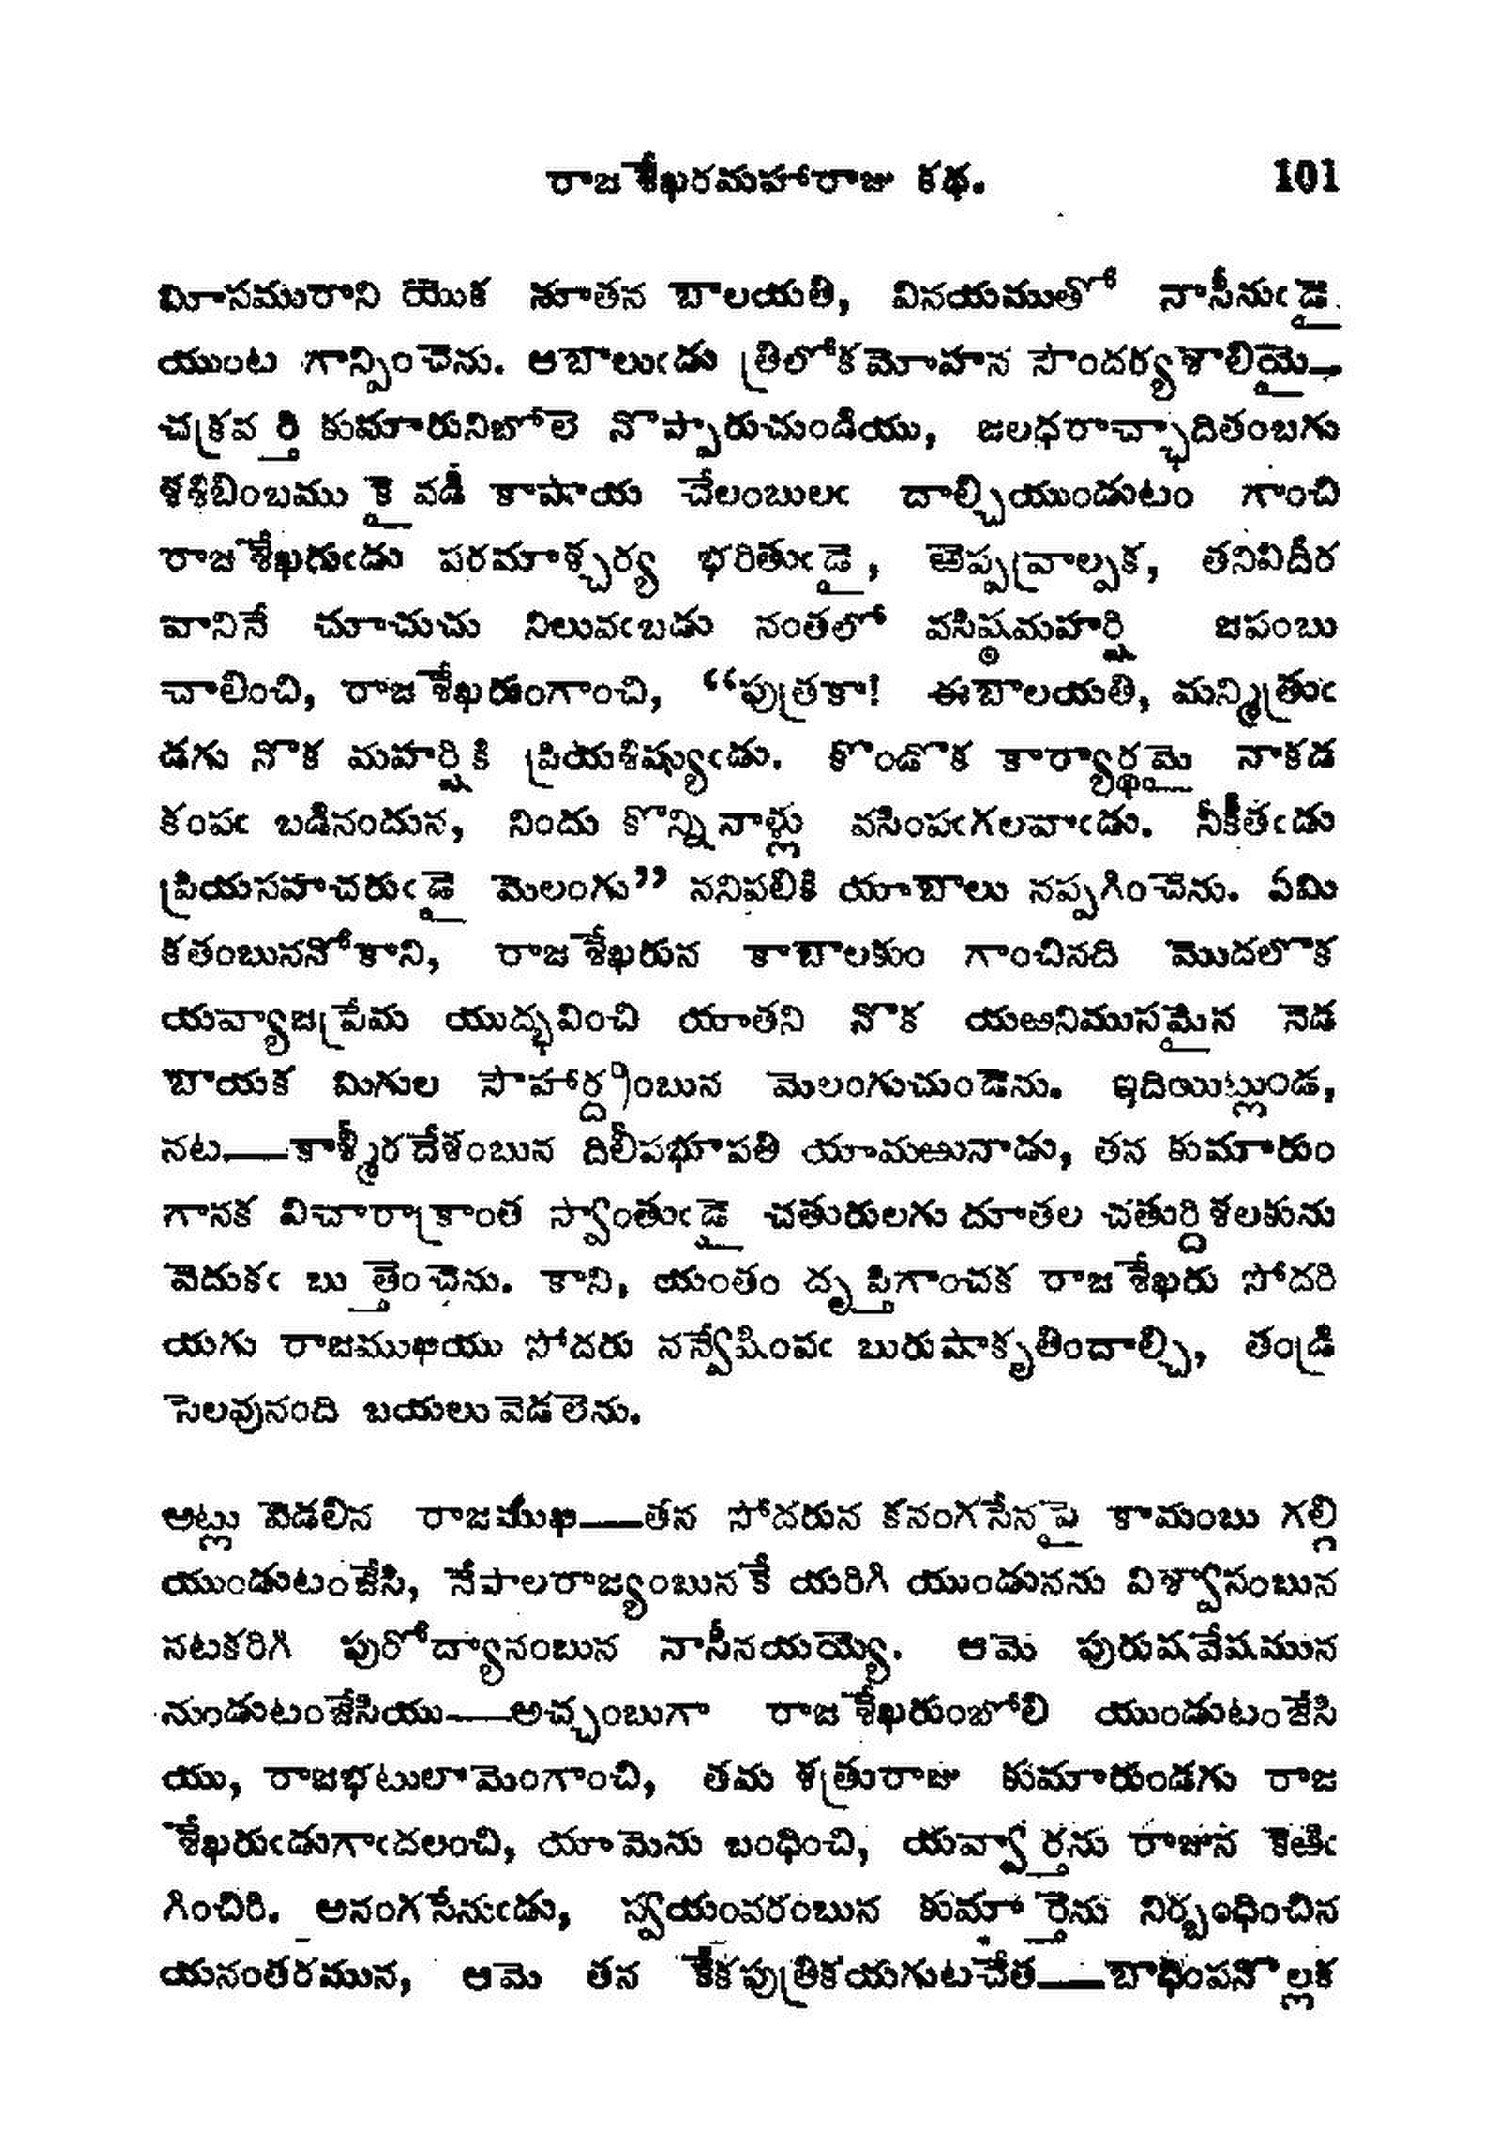మీసమురాని యొక నూతన బాలయతి, వినయముతో నాసీనుఁడై, యుంట గాన్పించెను. ఆబాలుఁడు త్రిలోక మోహన సౌందర్యశాలియై——చక్రవర్తి కుమారునిబోలె నొప్పారుచుండియు, జలధరాచ్ఛాదితంబగు శశిబింబము కైవడి కాషాయ చేలంబులఁ దాల్చియుండుటం గాంచి రాజశేఖరుఁడు పరమాశ్చర్య భరితుఁడై, ఱెప్పవ్రాల్పక, తనివిదీర వానినే చూచుచు నిలువఁబడు నంతలో వసిష్ఠ మహర్షి జపంబు చాలించి, రాజశేఖరుంగాంచి, పుత్రకా! ఈబాలయతి, మన్మిత్రుఁ డగు నొక మహర్షికి ప్రియశిష్యుఁడు. కొండొక కార్యార్థమై నాకడ కంపఁ బడినందున, నిందు కొన్నినాళ్లు వసింపఁగలవాఁడు. నీకితఁడు
ప్రియ సహచరుఁడై మెలంగు" ననిపలికి యాబాలు నప్పగించెను. ఏమి కతంబుననో కాని, రాజశేఖరున కాబాలకుం గాంచినది మొదలొక యవ్యాజ ప్రేమ యుద్భవించి యాతని నొక యఱనిముసమైన నెడబాయక మిగుల సౌహార్దంబున మెలంగుచుండెను. ఇదియిట్లుండ, నట——కాశ్మీర దేశంబున దిలీపభూపతి యామఱునాడు, తన కుమారుంగానక విచారాక్రాంత స్వాంతుఁడై చతురులగు దూతల చతుర్దిశలకును వెదుకఁ బుత్తేంచెను. కాని, యంతం దృప్తిగాంచక రాజశేఖరు సోదరి యగు రాజముఖియు సోదరు నన్వేషింపఁ బురుషాకృతిందాల్చి, తండ్రి సెలవునంది బయలువెడలెను.

అట్లు వెడలిన రాజముఖి——తన సోదరున కనంగసేన పై కామంబు గల్లి యుండుటం జేసి, నేపాల రాజ్యంబునకే యరిగి యుండునను విశ్వాసంబున నటకరిగి పురోద్యానంబున నాసీనయయ్యె. ఆమె పురుష వేషమున నుండుటం జేసియు——అచ్చంబుగా రాజశేఖరుంబోలి యుండుటం జేసియు, రాజభటులామెంగాంచి, తమ శత్రురాజు కుమారుండగు రాజ
శేఖరుఁడు గాఁ దలంచి, యామెను బంధించి, యవ్వార్తను రాజున కెఱిఁగించిరి. అనంగసేనుఁడు, స్వయంవరంబున కుమార్తెను నిర్బంధించిన యనంతరమున, ఆమె తన కేకపుత్రికయగుటచేత——బాధింపనొల్లక